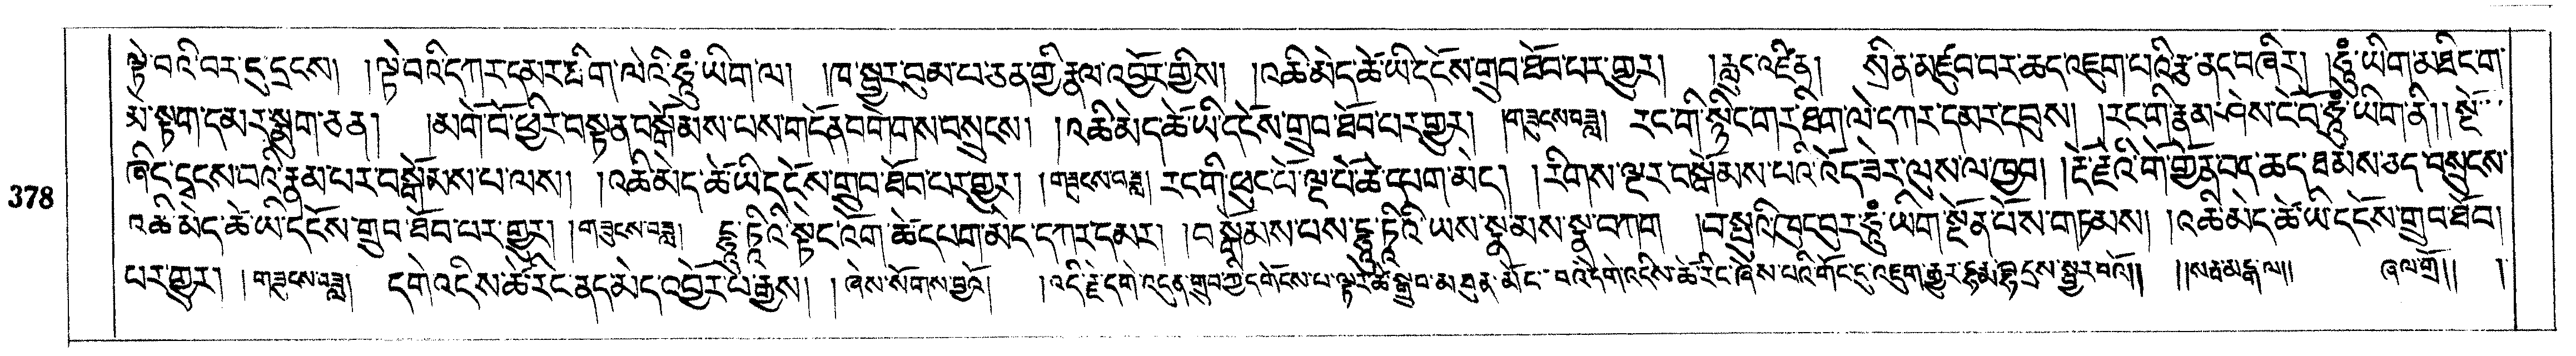ལྟེ་བའི་བར་དུ་དྲངས། །ལྟེ་བའི་དཀར་དམར་ཐིག་ལེའི་ཧཱུཾ་ཡིག་ལ། །ཁ་སྦྱར་བུམ་པ་ཅན་གྱི་རྣལ་འབྱོར་གྱིས། །འཆི་མེད་ཚེ་ཡི་དངོས་གྲུབ་ཐོབ་པར་གྱུར། །རླུང་འཛིན། སྲིན་མཛུབ་བར་ཆད་འཇུག་པའི་རྩ་ནང་བཞིར། །ཧཱུཾ་ཡིག་མཐིང་ག་
མེ་སྟག་དམར་སྨུག་ཅན། །མགོ་བོ་ཕྱིར་བསྟན་བསྒོམས་པས་གདོན་བགེགས་བསྲུངས། །འཆི་མེད་ཚེ་ཡི་དངོས་གྲུབ་ཐོབ་པར་གྱུར། །གཟུངས་བཟླ།  རང་གི་སྙིང་གར་ཐིག་ལེ་དཀར་དམར་དབུས། །རང་གི་རྣམ་ཤེས་ངོ་བོ་ཧཱུཾ་ཡིག་ནི། །སྔོ་
ཞིང་དྭངས་བའི་རྣམ་པར་བསྒོམས་པ་ལས། །འཆི་མེད་ཚེ་ཡི་དངོས་གྲུབ་ཐོབ་པར་གྱུར། །གཟུངས་བཟླ།  རང་གི་ཕུང་པོ་ལྔ་པོ་ཚེ་དཔག་མེད། །རིགས་ལྔར་བསྒོམས་པའི་འོད་ཟེར་ལུས་ལ་ཁྱབ། །རྡོ་རྗེའི་གོ་གྱོན་བར་ཆད་ཐམས་ཅད་བསྲུངས་
འཆི་མེད་ཚེ་ཡི་དངོས་གྲུབ་ཐོབ་པར་གྱུར། །གཟུངས་བཟླ།  དྷཱུ་ཏཱིའི་སྟེང་འོག་ཚེ་དཔག་མེད་དཀར་དམར། །བསྒོམས་པས་དྷཱུ་ཏཱིའི་ཡས་སྣམས་སྣ་བཀག །བ་སྤུའི་ཁུང་བུར་ཧཱུཾ་ཡིག་སྔོན་པོས་གཏམས། །འཆི་མེད་ཚེ་ཡི་དངོས་གྲུབ་ཐོབ།
པར་གྱུར། །གཟུངས་བཟླ།  དགེ་འདིས་ཚེ་རིང་ནད་མེད་འབྱོར་པ་རྒྱས། །ཞེས་སོགས་བྱའོ། །འདི་རྗེ་དགེ་འདུན་གྲུབ་ཀྱི་དགོངས་པ་ལྟར་ཚེ་སྒྲུབ་མཐུན་མོང་བའི་དགེ་འདིས་ཚེ་རིང་ཞེས་པའི་གོང་དུ་འཇུག་རྒྱུར་དྷརྨ་བྷ་དྲས་སྦྱར་བའོ།། །།སརྦ་མངྒ་ལ།། ཞལ་གྲོ།། །